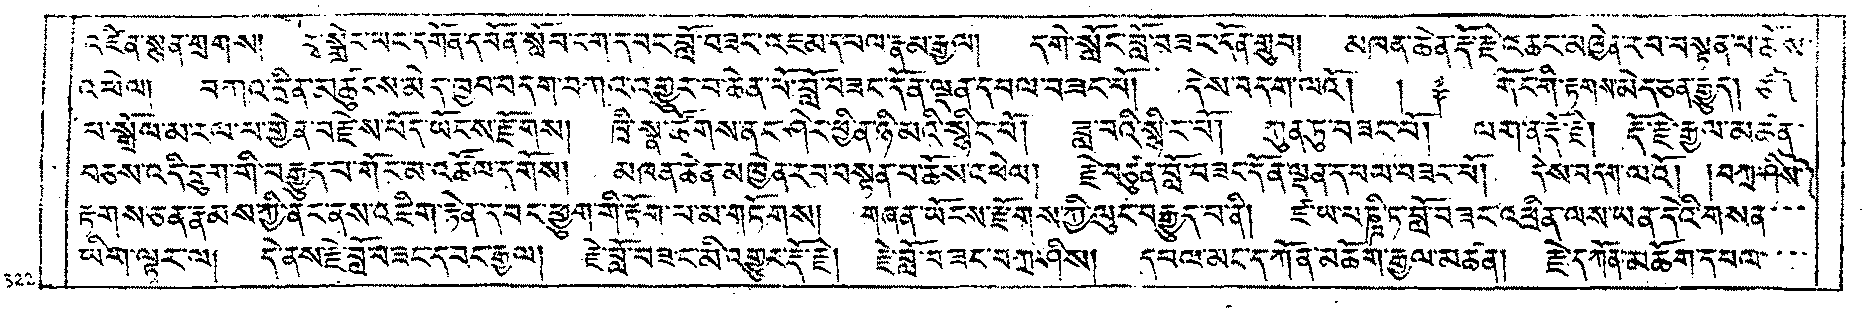འཛིན་སྙན་གྲགས། རྭ་སྒྲེང་ཡང་དགོན་དཔོན་སློབ་ངག་དབང་བློ་བཟང་འཇམ་དཔལ་རྣམ་རྒྱལ། དགེ་སློང་བློ་བཟང་དོན་གྲུབ། མཁན་ཆེན་རྡོ་རྗེ་འཆང་མཁྱེན་རབ་བསྟན་པ་ཆོས་
འཕེལ། བཀའ་དྲིན་མཚུངས་མེད་ཁྱབ་བདག་བཀའ་འགྱུར་བ་ཆེན་པོ་བློ་བཟང་དོན་ལྡན་དཔལ་བཟང་པོ། དེས་བདག་ལའོ། །༈ གོང་གི་རྟགས་མེད་ཅན་རྒྱུད། ཙ྄
པ་སྒྲོལ་མ་རལ་པ་གྱེན་བརྫེས་པོད་ཡོངས་རྫོགས། ཁྲི་སྣ་ཚོགས་ནང་ཤེར་ཕྱིན་ཉི་མའི་སྙིང་པོ། ཟླ་བའི་སྙིང་པོ། ཀུན་ཏུ་བཟང་པོ། ལག་ན་རྡོ་རྗེ། རྡོ་རྗེ་རྒྱལ་མཚན་
བཅས་འདི་དྲུག་གི་བརྒྱུད་པ་གོང་མ་འཚོལ་དགོས། མཁན་ཆེན་མཁྱེན་རབ་བསྟན་པ་ཆོས་འཕེལ། རྗེ་བཙུན་བློ་བཟང་དོན་ལྡན་དཔལ་བཟང་པོ། དེས་བདག་ལའོ། །བཀྲ་ཤིས྄
རྟགས་ཅན་རྣམས་ཀྱི་ནང་ནས་འཇིག་རྟེན་དབང་ཕྱུག་གི་རྟོག་པ་མ་གཏོགས། གཞན་ཡོངས་རྫོགས་ཀྱི་ལུང་བརྒྱུད་པ་ནི། ཛ་ཡ་པཎྜི་ཏ་བློ་བཟང་འཕྲིན་ལས་ཡན་དེའི་གསན་
ཡིག་ལྟར་ལ། དེ་ནས་རྗེ་བློ་བཟང་དབང་རྒྱལ། རྗེ་བློ་བཟང་མི་འགྱུར་རྡོ་རྗེ། རྗེ་བློ་བཟང་བཀྲ་ཤིས། དཔལ་མང་དཀོན་མཆོག་རྒྱལ་མཚན། རྗེ་དཀོན་མཆོག་དཔལ་